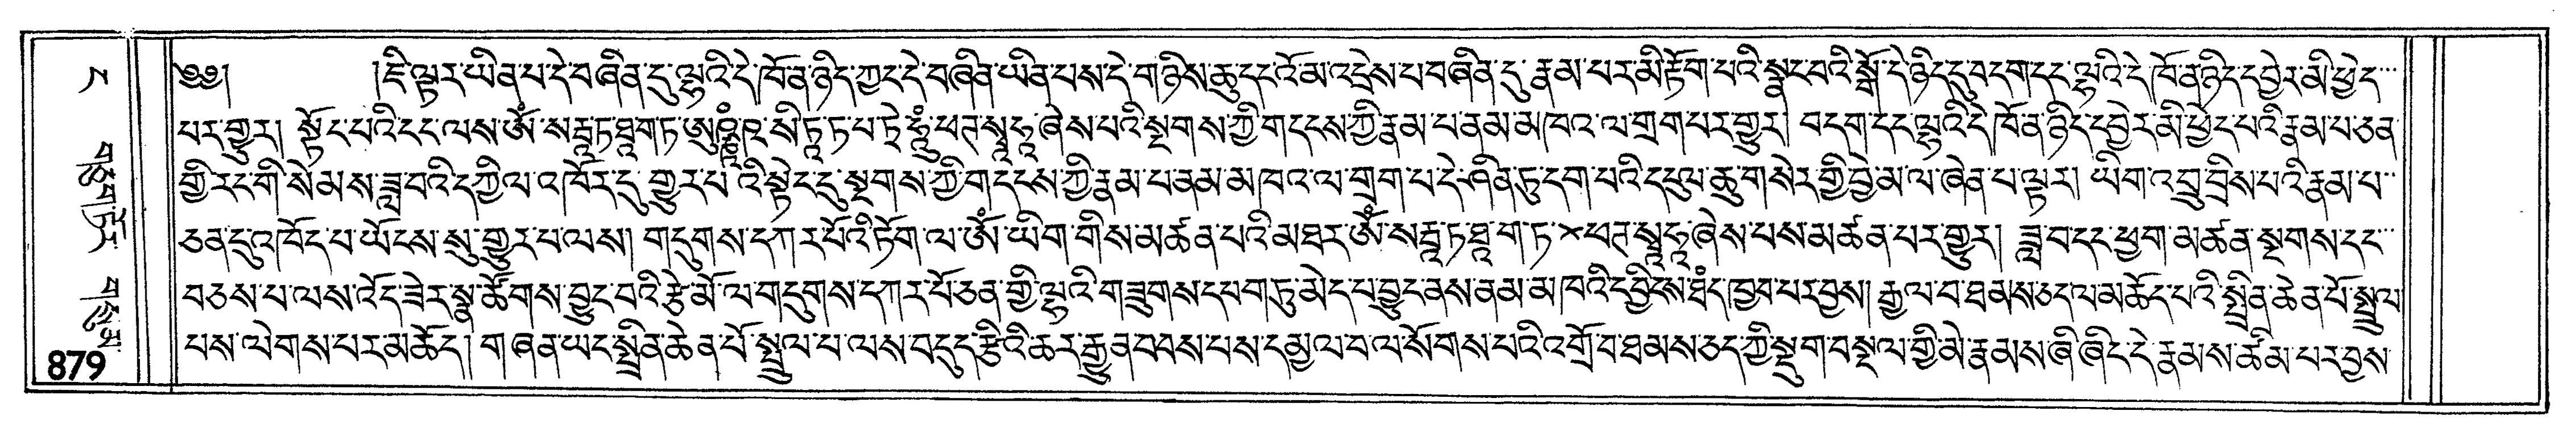༄༅། །ཇི་ལྟར་ཡིན་པ་དེ་བཞིན་དུ་ལྷའི་དེ་ཁོ་ན་ཉིད་ཀྱང་དེ་བཞིན་ཡིན་པས་དེ་གཉིས་ཆུ་དང་འོ་མ་འདྲེས་པ་བཞིན་དུ་རྣམ་པར་མི་རྟོག་པའི་སྣང་བའི་སྒོ་དེ་ཉིད་དུ་བདག་དང་ལྷའི་དེ་ཁོ་ན་ཉིད་དབྱེར་མི་ཕྱེད་
པར་གྱུར། སྟོང་པའི་ངང་ལས་ཨོཾ་སརྦཱ་ཏ་ཐཱ་ག་ཏ་ཨུཥྞཱཾ་ཥ་སི་ཏཱ་ཏ་པ་ཏྲེ་ཧཱུཾ་ཕཊ་སྭཱཧཱ་ཞེས་པའི་སྔགས་ཀྱི་གདངས་ཀྱི་རྣམ་པ་ནམ་མཁའ་ལ་གྲག་པར་གྱུར། བདག་དང་ལྷའི་དེ་ཁོ་ན་ཉིད་དབྱེར་མི་ཕྱེད་པའི་རྣམ་པ་ཅན་
གྱི་རང་གི་སེམས་ཟླ་བའི་དཀྱིལ་འཁོར་དུ་གྱུར་པའི་སྟེང་དུ་སྔགས་ཀྱི་གདངས་ཀྱི་རྣམ་པ་ནམ་མཁའ་ལ་གྲག་པ་དེ་ཤིན་ཏུ་དག་པའི་དངུལ་ཆུ་གསེར་གྱི་བྱེ་མ་ལ་ཞེན་པ་ལྟར། ཡིག་འབྲུ་བྲིས་པའི་རྣམ་པ་
ཅན་དུ་འཁོད་པ་ཡོངས་སུ་གྱུར་པ་ལས། གདུགས་དཀར་པོའི་ཏོག་ལ་ཨོཾ་ཡིག་གིས་མཚན་པའི་མཐར་ཨོཾ་སརྦཱ་ཏ་ཐཱ་ག་ཏ་྾་ཕཊ་སྭཱཧཱ་ཞེས་པས་མཚན་པར་གྱུར། ཟླ་བ་དང་ཕྱག་མཚན་སྔགས་དང་
བཅས་པ་ལས་འོད་ཟེར་སྣ་ཚོགས་བྱུང་བའི་རྩེ་མོ་ལ་གདུགས་དཀར་པོ་ཅན་གྱི་ལྷའི་གཟུགས་དཔག་ཏུ་མེད་པ་བྱུང་ནས་ནམ་མཁའི་དབྱིངས་ཐམས་ཅད་ཁྱབ་པར་བྱས། རྒྱལ་བ་ཐམས་ཅད་ལ་མཆོད་པའི་སྤྲིན་ཆེན་པོ་སྤྲུལ་
པས་ལེགས་པར་མཆོད། གཞན་ཡང་སྤྲིན་ཆེན་པོ་སྤྲུལ་པ་ལས་བདུད་རྩིའི་ཆར་རྒྱུན་བབས་པས་དམྱལ་བ་ལ་སོགས་པའི་འགྲོ་བ་ཐམས་ཅད་ཀྱི་སྡུག་བསྔལ་གྱི་མེ་རྣམས་ཞི་ཞིང་དེ་རྣམས་ཚིམ་པར་བྱས་